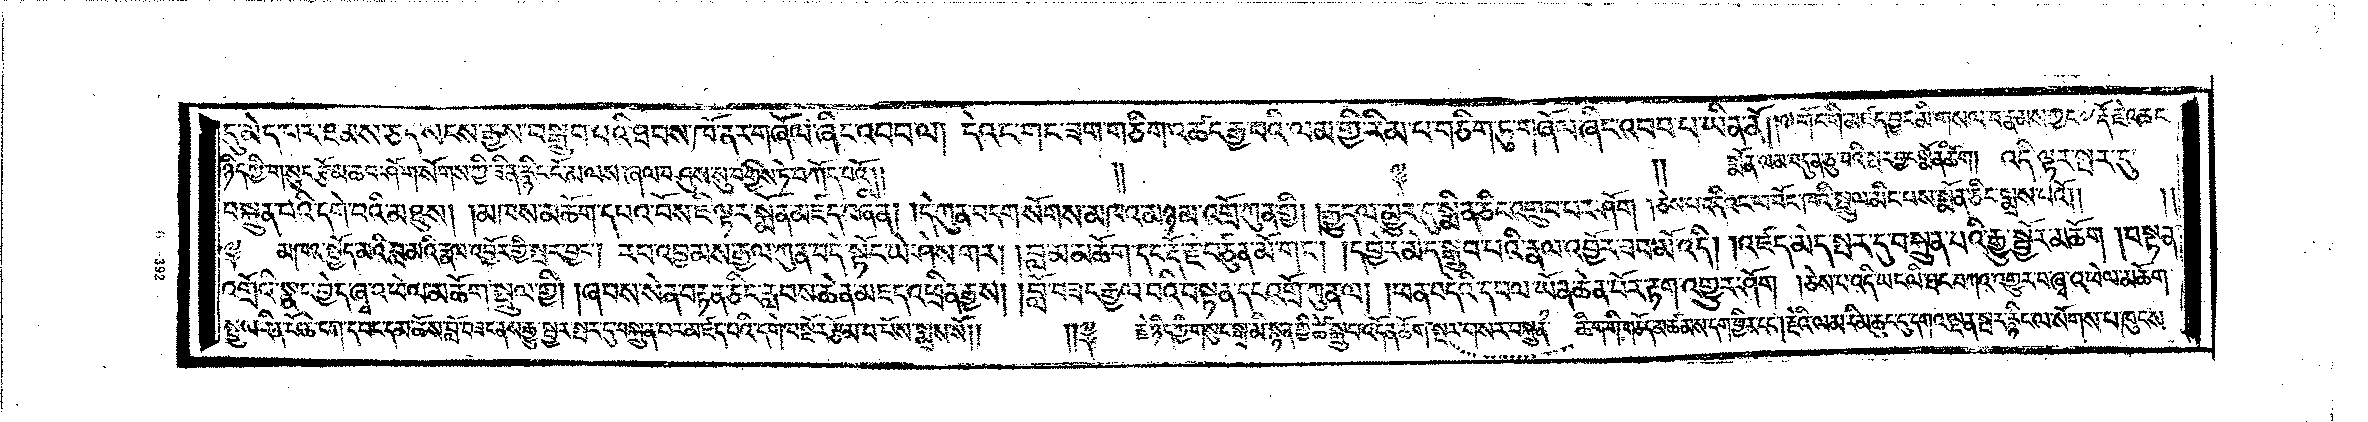དུ་མེད་པར་ཐམས་ཅད་སངས་རྒྱས་བསྒྲུབ་པའི་ཐབས་ཁོ་ནར་གཞོལ་ཞིང་འབབ་ལ། དེའང་གང་ཟག་གཅིག་འཚང་རྒྱ་བའི་ལམ་གྱི་རིམ་པ་གཅིག་ཏུ་གཞོལ་ཞིང་འབབ་པ་ཡིན་ནོ། །༧གོང་གི་མཛད་བྱང་མི་གསལ་བ་རྣམས་ཀྱང ༧རྡོ་རྗེ་འཆང་
ཕ༹ཉིད་ཀྱི་གསུང་རྩོམ་ཆབ་ཤོག་སོགས་ཀྱི་ཟིན་རྙིང་ངོ་མ་ལས་ཞལ་བཤུས་སུ་བགྱིས་ཏེ་བཀོད་པའོ།། །། ༈ །།སྨོན་ལམ་བདུན་ཅུ་བའི་སྤར་བྱང་སྨོན་ཚིག། འདི་ལྟར་སྤར་དུ་
བསྐྲུན་པའི་དགེ་བའི་མཐུས། །མཁས་མཆོག་དཔའ་བོས་ཇི་ལྟར་སྨོན་མཛད་བཞིན། །དེ་ཀུན་བདག་སོགས་མཁའ་མཉམ་འགྲོ་ཀུན་གྱི། །རྒྱུད་ལ་མྱུར་དུ་སྨིན་ཅིང་འགྲུབ་པར་ཤོག །ཅེས་པ་འདི་ཡང་ཕ་བོར་ཁའི་སྤྲུལ་མིང་པས་སྨོན་ཅིང་སྨྲས་པའོ།། །།
༈ མཁའ་སྤྱོད་མའི་བླ་མའི་རྣལ་འབྱོར་གྱི་སྤང་བྱང་།  རབ་འབྱམས་རྒྱལ་ཀུན་བདེ་སྟོང་ཡེ་ཤེས་གར། །བླ་མ་མཆོག་དང་རྡོ་རྗེ་བཙུན་མོ་གང་། །དབྱེར་མེད་སྒྲུབ་པའི་རྣལ་འབྱོར་ཟབ་མོ་འདི། །འཛད་མེད་སྤར་དུ་བསྐྲུན་པའི་རྒྱུ་སྦྱོར་མཆོག །བསྟན་
འགྲོའི་སྣང་བྱེད་ཞྭ་འཕེལ་མཆོག་སྤྲུལ་གྱི། །ཞབས་སེན་བརྟན་ཅིང་རླབས་ཆེན་མཇད་འཕྲིན་རྒྱས། །བློ་བཟང་རྒྱལ་བའི་བསྟན་དང་འགྲོ་ཀུན་ལ། །ཕན་བདེའི་དཔལ་ཡོན་ཆེན་པོར་རྟག་འགྱུར་ཤོག །ཅེས་པ་འདི་ཡང་ལི་ཐང་བཀའ་འགྱུར་བ་ཞྭ་འཕེལ་མཆོག་
སྤྱལ་རིན་པོ་ཆེ་ངག་དབང་དམ་ཆོས་བློ་བཟང་ནས་རྒྱུ་སྦྱར་སྤར་དུ་བསྐྲུན་པར་མཛད་པའི་དགེ་བསྔོར་རྩོམ་པ་པོས་སྨྲས་སོ།། །།༈ རྗེ་ཉིད་ཀྱི་གསུང་སྒྲ་མི་སྙན་གྱི་ཚེ་སྒྲུབ་འདོན་ཆོག་སྔར་ཚིག་གི་གཅོད་མཚམས་དག་ཕྱིར་དང་།  རྗེའི་ལམ་རིམ་ཆུང་དུ་དགའླྡན་སྦར་རྙིང་ལ་སོགས་པ་ཁུངས་
ཕ༹ཕ༹་